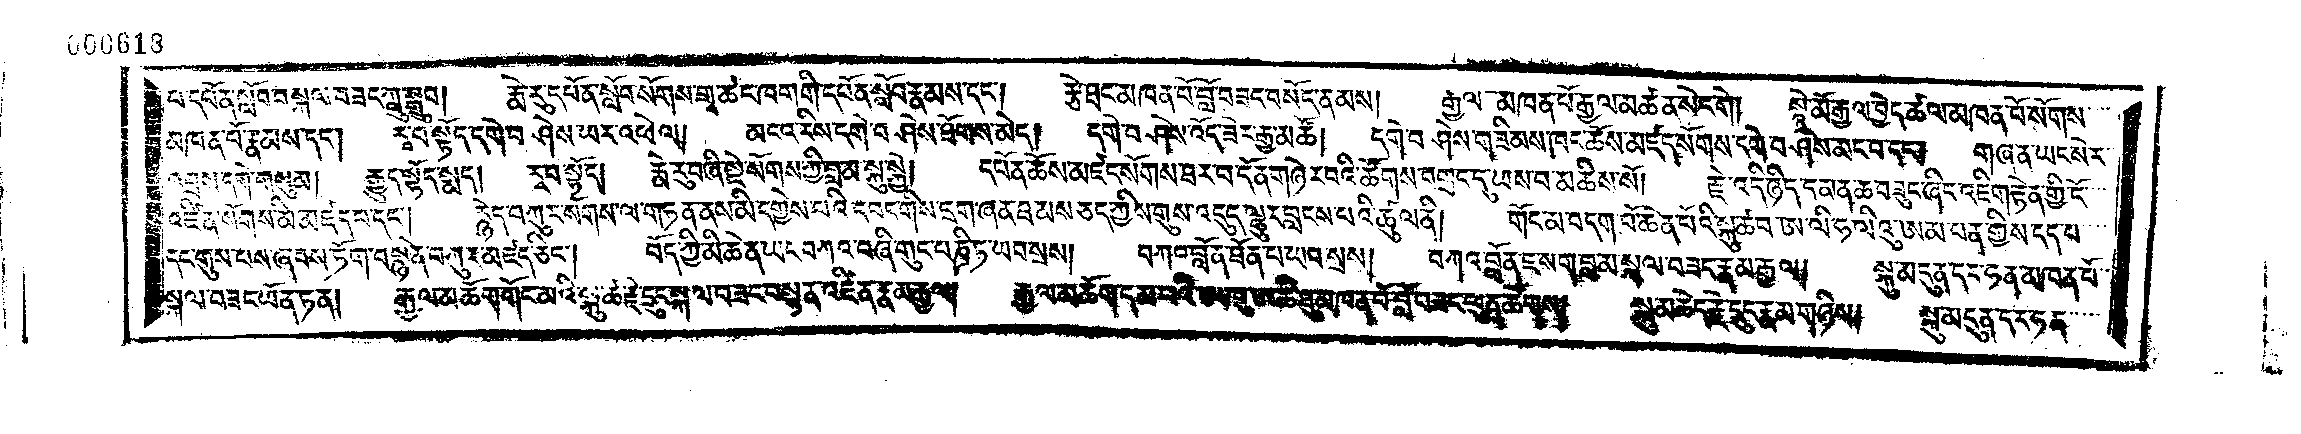པ་དཔོན་སློབ་བསྐལ་བཟང་ཀླུ་སྒྲུབ། རྨེ་རུ་དཔོན་སློབ་སོགས་གྲྭ་ཚང་ཁག་གི་དཔོན་སློབ་རྣམས་དང་། རྩེ་ཐང་མཁན་པོ་བློ་བཟང་བསོད་ནམས། རྒྱལ་མཁན་པོ་རྒྱལ་མཚན་སེང་གེ། སྙེ་མོ་རྒྱལ་བྱེད་ཚལ་མཁན་པོ་སོགས་
མཁན་པོ་རྣམས་དང་། རྭ་བ་སྟོད་དགེ་བཤེས་ཡར་འཕེལ། མངའ་རིས་དགེ་བཤེས་ཐོགས་མེད། དགེ་བཤེས་འོད་ཟེར་རྒྱ་མཚོ། དགེ་བཤེས་གཟིམས་ཁང་ཆོས་མཛད་སོགས་དགེ་བཤེས་མང་བ་དང་། གཞན་ཡང་སེར་
འབྲས་དགེ་གསུམ། རྒྱུད་སྟོད་སྨད། རྭ་བ་སྟོད། རྨེ་རུ་བཞི་སྡེ་སོགས་ཀྱི་བླ་མ་སྐུ་སྐྱེ། དབོན་ཆོས་མཛད་སོགས་ཐར་པ་དོན་གཉེར་བའི་ཚོགས་བགྲང་དུ་ཡས་པ་མཆིས་སོ། །རྗེ་འདི་ཉིད་དམན་ཆ་བཟུང་ཞིང་འཇིག་རྟེན་གྱི་ངོ་
འཛིན་སོགས་མི་མཛད་པ་དང་། རྙེད་བཀུར་སོགས་ལ་གཏན་ནས་མི་དགྱེས་པའི་དབང་གིས་དྲག་ཞན་ཐམས་ཅད་ཀྱིས་གུས་འདུད་ལྷུར་བླངས་པའི་ཚུལ་ནི། གོང་མ་བདག་པོ་ཆེན་པོའི་སྐུ་ཚབ་ཨ་ལི་ཧ་ལིའུ་ཨམ་བན་གྱིས་དད་པ་
དང་གུས་པས་ཞབས་ཏོག་བསྙེན་བཀུར་མཛད་ཅིང་། བོད་ཀྱི་མི་ཆེན་ཡང་བཀའ་བཞི་གུང་པཎྜི་ཏ་ཡབ་སྲས། བཀའ་བློན་ཐོན་པ་ཡང་སྲས། བཀའ་བློན་ཇ་སག་བླ་མ་སྐལ་བཟང་རྣམ་རྒྱལ། སྐུ་མདུན་དར་ཧན་མཁན་པོ་
སྐལ་བཟང་ཡོན་ཏན། རྒྱལ་མཆོག་གོང་མའི་སྐུ་ཚ་རྗེ་དྲུང་སྐལ་བཟང་བསྟན་འཛིན་རྣམ་རྒྱལ། རྒྱལ་མཆོག་དམ་པའི་ཨ་ཁུ་ཨ་ཆི་ཐུ་མཁན་པོ་བློ་བཟང་ཕུན་ཚོགས། སྐུ་མཆེད་རྗེ་དྲུང་རྣམ་གཉིས། སྐུ་མདུན་དར་ཧན་